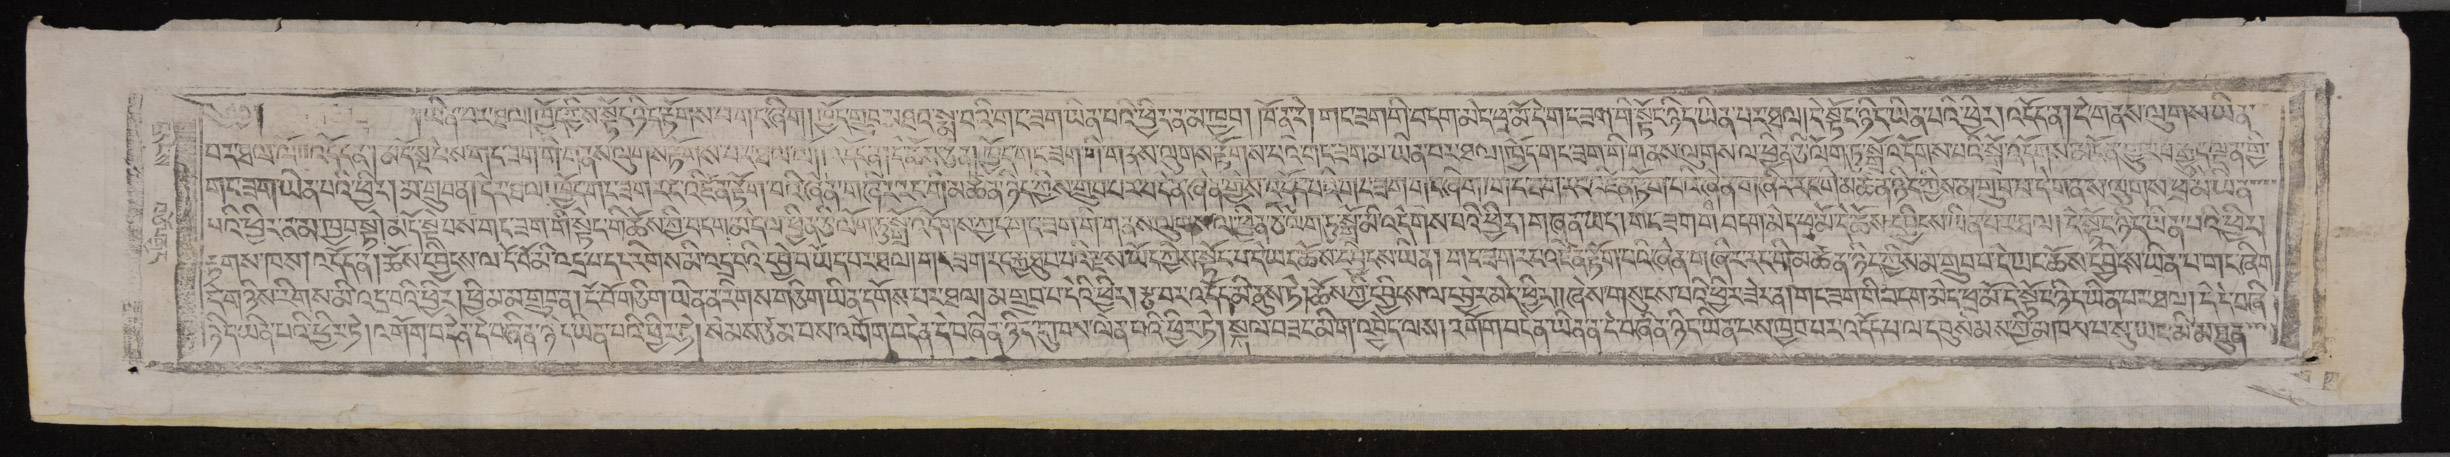༄༅། །ཡིན་པར་ཐལ། ཁྱོད་ཀྱིས་སྟོང་ཉིད་རྟོགས་པ་གང་ཞིག། ཁྱོད་གྲུབ་མཐའ་སྨྲ་བའི་གང་ཟག་ཡིན་པའི་ཕྱིར་ན་མ་ཁྱབ། ཁོ་ན་རེ། གང་ཟག་གི་བདག་མེད་ཕྲ་མོ་དེ་གང་ཟག་གི་སྟོང་ཉིད་ཡིན་པར་ཐལ། དེ་སྟོང་ཉིད་ཡིན་པའི་ཕྱིར། འདོད་ན། དེ་གནས་ལུགས་ཡིན་
པར་ཐལ་ལོ། །འདོད་ན། མདོ་སྡེ་པས་གང་ཟག་གི་གནས་ལུགས་རྟོགས་པར་ཐལ་ལོ། །འདོད་ན། དེ་ཆོས་ཅན། ཁྱོད་གང་ཟག་གི་གནས་ལུགས་རྟོགས་པའི་གང་ཟག་མ་ཡིན་པར་ཐལ། ཁྱོད་གང་ཟག་གི་གནས་ལུགས་ལ་ཕྱིན་ཅི་ལོག་ཏུ་སྒྲོ་འདོགས་པའི་སྒྲོ་འདོགས་མངོན་གྱུར་པ་རྒྱུད་ལྡན་གྱི་
གང་ཟག་ཡིན་པའི་ཕྱིར། མ་གྲུབ་ན། དེར་ཐལ། ཁྱོད་གང་ཟག་རང་འཛིན་རྟོག་པའི་ཞེན་གཞིར་རང་གི་མཚན་ཉིད་ཀྱིས་གྲུབ་པར་བདེན་ཞེན་གྱིས་འདོད་པའི་གང་ཟག་གང་ཞིག། གང་ཟག་རང་འཛིན་རྟོག་པའི་ཞེན་གཞིར་རང་གི་མཚན་ཉིད་ཀྱིས་མ་གྲུབ་པ་དེ་གནས་ལུགས་ཕྲ་མོ་ཡིན་
པའི་ཕྱིར་ན་མ་ཁྱབ་སྟེ། མདོ་སྡེ་པས་གང་ཟག་གི་སྟེང་གི་ཆོས་ཀྱི་བདག་མེད་ལ་ཕྱིན་ཅི་ལོག་ཏུ་སྒྲོ་འདོགས་ཀྱང་གང་ཟག་གི་གནས་ལུགས་ལ་ཕྱིན་ཅི་ལོག་ཏུ་སྒྲོ་མི་འདོགས་པའི་ཕྱིར། གཞན་ཡང་། གང་ཟག་གི་བདག་མེད་ཕྲ་མོ་དེ་ཆོས་དབྱིངས་ཡིན་པར་ཐལ། དེ་སྟོང་ཉིད་ཡིན་པའི་ཕྱིར།
རྟགས་ཁས། འདོད་ན། ཆོས་དབྱིངས་ལ་ངོ་བོ་མི་འདྲ་བ་དང་རིགས་མི་འདྲ་བའི་དབྱེ་བ་ཡོད་པར་ཐལ། གང་ཟག་རང་རྐྱ་ཐུབ་པའི་རྫས་ཡོད་ཀྱིས་སྟོང་པ་དེ་ཡང་ཆོས་དབྱིངས་ཡིན། གང་ཟག་རང་འཛིན་རྟོག་པའི་ཞེན་གཞིར་རང་གི་མཚན་ཉིད་ཀྱིས་མ་གྲུབ་པ་དེ་ཡང་ཆོས་དབྱིངས་ཡིན་པ་གང་ཞིག།
དེ་གཉིས་རིགས་མི་འདྲ་བའི་ཕྱིར། ཕྱི་མ་མ་གྲུབ་ན། ངོ་བོ་གཅིག་ཡིན་ན་རིགས་གཅིག་ཡིན་དགོས་པར་ཐལ། མ་གྲུབ་པ་དེའི་ཕྱིར། རྩ་བར་འདོད་མི་ནུས་ཏེ། ཆོས་ཀྱི་དབྱིངས་ལ་དབྱེར་མེད་ཕྱིར། །ཞེས་གསུངས་པའི་ཕྱིར་ཟེར་ན། གང་ཟག་གི་བདག་མེད་ཕྲ་མོ་དེ་སྟོང་ཉིད་ཡིན་པར་ཐལ། དེ་དེ་བཞིན་
ཉིད་ཡིན་པའི་ཕྱིར་ཏེ། འགོག་བདེན་དེ་བཞིན་ཉིད་ཡིན་པའི་ཕྱིར་ཏེ། སེམས་ཙམ་པས་འགོག་བདེན་དེ་བཞིན་ཉིད་དུ་ཁས་ལེན་པའི་ཕྱིར་ཏེ། སྐལ་བཟང་མིག་འབྱེད་ལས། འགོག་བདེན་ཡིན་ན་དེ་བཞིན་ཉིད་ཡིན་པས་ཁྱབ་པར་འདོད་པ་ལ་དབུ་སེམས་ཀྱི་མཁས་པ་སུ་ཡང་མི་མཐུན་